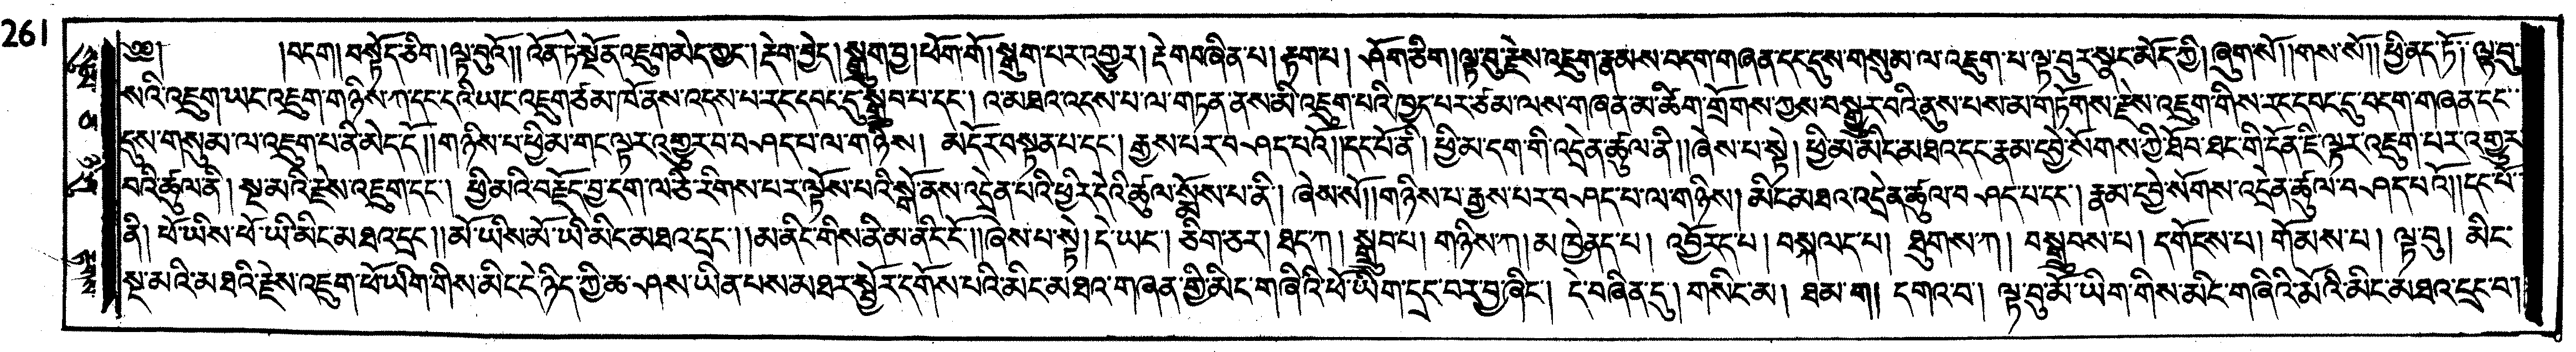༄༅། །བདག། བསྟོད་ཅིག། ལྟ་བུའོ། །འོན་ཏེ་སྔོན་འཇུག་མེད་ཀྱང་། རྡེག་བྱེད། སྒྲུག་བྱ། ཕོག་གོ། སྒུག་པར་འགྱུར། རྡེག་བཞིན་པ། རྟག་པ། ཤོག་ཅིག། ལྟ་བུ་རྗེས་འཇུག་རྣམས་བདག་གཞན་དང་དུས་གསུམ་ལ་འཇུག་པ་ལྟ་བུར་སྣང་མོད་ཀྱི། ཞུགས། །གས་སོ། །ཕྱི་ནད་ཏོ༑ ལྟ་བུ་
སའི་འཇུག་ཡང་འཇུག་གཉིས་ཀ་དང་དའི་ཡང་འཇུག་ཙམ་ཁོ་ནས་འདས་པ་རང་དབང་དུ་སྒྲུབ་པ་དང་། འ་མཐའ་འདས་པ་ལ་གཏན་ནས་མི་འཇུག་པའི་ཁྱད་པར་ཙམ་ལས་གཞན་མ་ཚིག་གྲོགས་ཀྱས་བསྒྱུར་བའི་ནུས་པས་མ་གཏོགས་རྗེས་འཇུག་གིས་རང་དབང་དུ་བདག་གཞན་དང་
དུས་གསུམ་ལ་འཇུག་པ་ནི་མེད་དོ། །གཉིས་པ་ཕྱི་མ་གང་ལྟར་འགྱུར་བ་བཤད་པ་ལ་གཉིས། མདོར་བསྟན་པ་དང་། རྒྱས་པར་བཤད་པའོ། །དང་པོ་ནི། ཕྱི་མ་དག་གི་འདྲེན་ཚུལ་ནི། །ཞེས་པ་སྟེ། ཕྱི་མ་མིང་མཐའ་དང་རྣམ་དབྱེ་སོགས་ཀྱི་ཐོབ་ཐང་གི་དོན་ཇི་ལྟར་འཇུག་པར་འགྱུར་
བའི་ཚུལ་ནི། སྔ་མའི་རྗེས་འཇུག་དང་། ཕྱི་མའི་བརྗོད་བྱ་དག་ལ་ཅི་རིགས་པར་ལྟོས་པའི་སྒོ་ནས་འདྲེན་པའི་ཕྱིར་དེའི་ཚུལ་སྨོས་པ་ནི། ཞེས་སོ། །གཉིས་པ་རྒྱས་པར་བཤད་པ་ལ་གཉིས། མིང་མཐའ་འདྲེན་ཚུལ་བཤད་པ་དང་། རྣམ་དབྱེ་སོགས་འདྲེན་ཚུལ་བཤད་པའོ། །དང་པོ་
ནི། ཕོ་ཡིས་ཕོ་ཡི་མིང་མཐའ་དྲང་། །མོ་ཡིས་མོ་ཡི་མིང་མཐའ་དྲང་། །མ་ནིང་གིས་ནི་མ་ནིང་ངོ། །ཞེས་པ་སྟེ། དེ་ཡང་། ཅིག་ཅར། ཐད་ཀ། སྒྲུབ་པ། གཉིས་ཀ། མཁྱེནྡ་པ། འབྱོརྡ་པ། བསྐལྡ་པ། ཐུགས་ཀ། བསྒྲུབས་པ། དགོངས་པ། གོམས་པ། ལྟ་བུ། མིང་
སྔ་མའི་མཐའི་རྗེས་འཇུག་ཕོ་ཡིག་གིས་མིང་དེ་ཉིད་ཀྱི་ཆ་ཤས་ཡིན་པས་མཐར་སྦྱོར་དགོས་པའི་མིང་མཐའ་གཞན་གྱི་མིང་གཞིའི་ཕོ་ཡིག་དྲང་བར་བྱ་ཞིང་། དེ་བཞིན་དུ། གསིང་མ། ཐམ་ག། དགའ་བ། ལྟ་བུ་མོ་ཡིག་གིས་མིང་གཞིའི་མོའི་མིང་མཐའ་དྲང་བ།